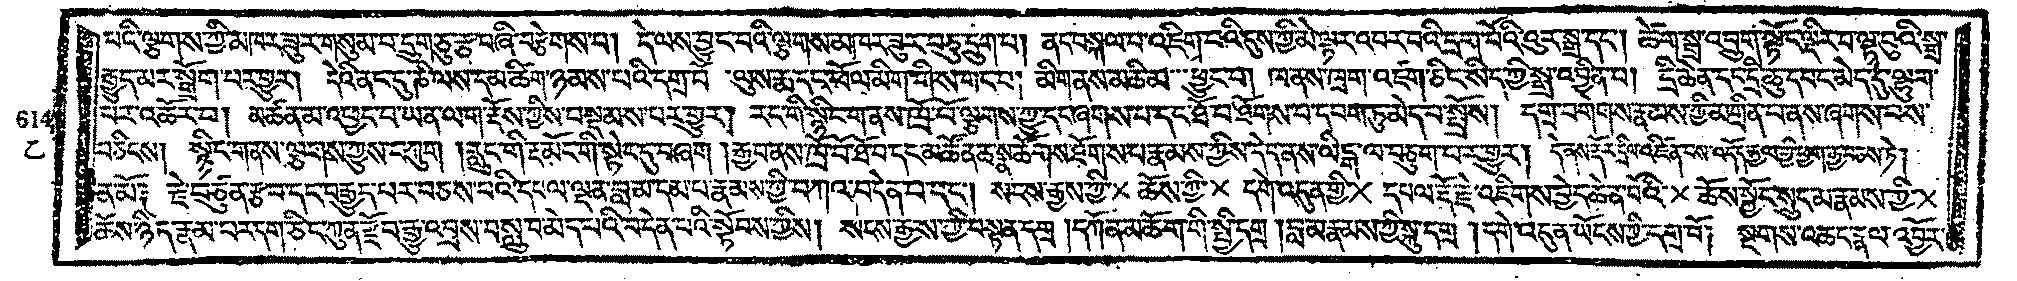པའི་ལྕགས་ཀྱི་མཁར་ཟུར་གསུམ་བ་དྲུག་ཅུ་རྩ་བཞི་བརྩེགས་པ། དེ་ལས་བྱུང་བའི་ལྕགས་མཁར་ཟུར་བཅུ་དྲུག་པ། ནང་བསྐལ་པ་འཇིག་པའི་དུས་ཀྱི་མེ་ལྟར་འབར་བའི་དྲག་པོའི་འུར་སྒྲ་དང་། ཚེག་སྒྲ་འབྲུག་སྟོང་ལྡིར་བ་ལྟ་བུའི་སྒྲ་
རྒྱུད་མར་སྒྲོག་པར་གྱུར། དེའི་ནང་དུ་ཎི་ལས་དམ་ཚིག་ཉམས་པའི་དགྲ་བོ་ལུས་རྨ་དང་ཕོལ་མིག་གིས་གང་བ། མིག་ནས་མཆི་མ་་་ཕྱུང་བ། ཁ་ནས་ཁྲག་འཛག་ཅིང་སིད་ཀྱི་སྒྲ་འབྱིན་པ། དྲི་ཆེན་དང་དྲི་ཆུ་དབང་མེད་དུ་ལྷུག་
པར་འཚོར་བ། མཚན་མ་འཕྱང་བ་ཡན་ལག་རྡོས་ཀྱིས་བསྡམས་པར་གྱུར། རང་གི་སྙིང་གནས་ཁྲོ་བོ་ལྕགས་ཀྱུ་དང་ཞགས་པ་དང་ཐོ་བ་ཐོགས་པ་དཔག་ཏུ་མེད་པ་སྤྲོས། དགྲ་བགེགས་རྣམས་ཀྱི་མགྲིན་པ་ནས་ཞགས་པས་
བཅིངས། སྙིང་གནས་ལྕགས་ཀྱུས་བཀུག །རླུང་གི་རྔ་མོང་གི་སྟེང་དུ་བཞག །རྒྱབ་ནས་ཁྲོ་བོ་ཐོ་བ་དང་མཚོན་ཆ་སྣ་ཚོགས་ཐོགས་པ་རྣམས་ཀྱིས་དེད་ནས་ལིངྒ་ལ་བཅུག་པར་གྱུར། དེ་ནས་རྡོར་དྲིལ་འཛིན་པས་འདོད་རྒྱལ་གྱི་ཕྱག་རྒྱ་བཅས་ཏེ།
ན་མོ༑ རྗེ་བཙུན་རྩ་བ་དང་བརྒྱུད་པར་བཅས་པའི་དཔལ་ལྡན་བླ་མ་དམ་པ་རྣམས་ཀྱི་བཀའ་བདེན་པ་དང་། སངས་རྒྱས་ཀྱི་྾་ཆོས་ཀྱི་྾་དགེ་འདུན་གྱི་྾་དཔལ་རྡོ་རྗེ་འཇིགས་བྱེད་ཆེན་པོའི་྾་ཆོས་སྐྱོང་སྲུང་མ་རྣམས་ཀྱི་྾་
ཆོས་ཉིད་རྣམ་པར་དག་ཅིང་ཀུན་རྫོབ་རྒྱུ་འབྲས་བསླུ་བ་མེད་པའི་བདེན་པའི་སྟོབས་ཀྱིས། སངས་རྒྱས་ཀྱི་བསྟན་དགྲ་།དཀོན་མཆོག་གི་སྤྱི་དགྲ་།བླ་མ་རྣམས་ཀྱི་སྐུ་དགྲ་།དགེ་འདུན་ཡོངས་ཀྱི་དགྲ་བོ། སྔགས་འཆང་རྣལ་འབྱོར་